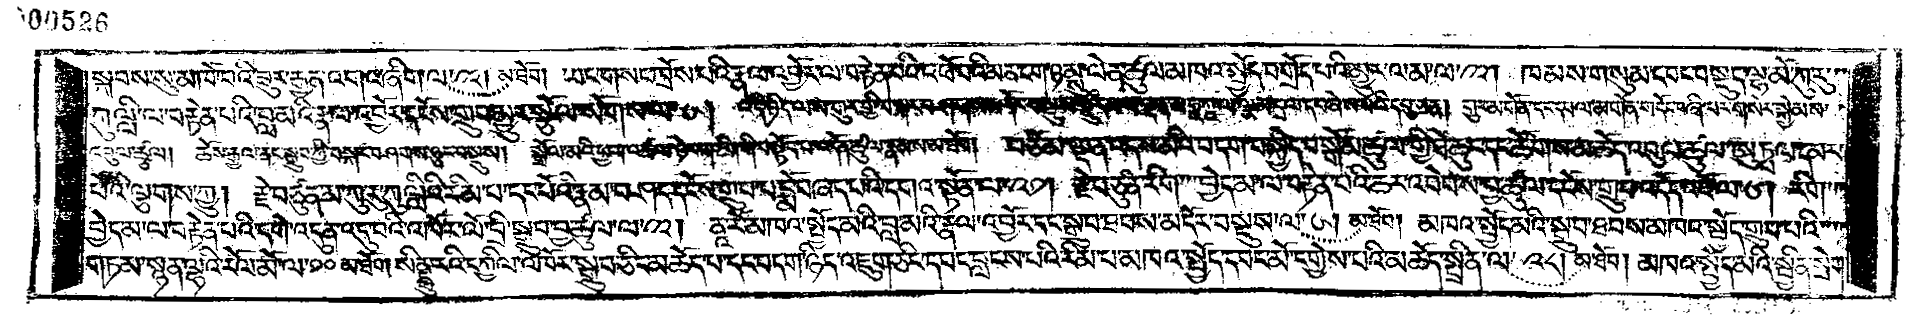སྐབས་སུ་མཁོ་བའི་ཟུར་རྒྱན་འགའ་ཞིག་ལ་མ་ཐོབ།  ཡང་གསང་ཁྲོས་པའི་རྣལ་འབྱོར་ལ་བརྟེན་པའི་འཕོ་བའི་མན་ངག་ཉམ་སུ་ལེན་ཚུལ་མཁའ་སྤྱོད་བགྲོད་པའི་མྱུར་ལམ་ལ ༣། ཁམས་གསུམ་དབང་བསྡུད་ལྷ་མོ་ཀུ་རུ་
ཀུལླི་ལ་བརྟེན་པའི་བླ་མའི་རྣལ་འབྱོར་དངོས་གྲུབ་མྱུར་སྩོལ་སོགས་ལ ༦། འདི་ཉིད་ལས་གུར་གྱི་བསྐང་བཤགས་མདོར་བསྡུས་ཧཱུཾ་དཔལ་ལྡན་མཧཱ་ཀཱ་ལ་ལྕམ་དྲལ་དང་ཞེས་པའི་དབུ་ཅན། གུང་མགོན་དང་དཔལ་མགོན་གདོང་བཞི་པར་གསེར་སྐྱེམས་
འབུལ་ཚུལ། ཆོས་རྒྱལ་ནང་སྒྲུབ་ཀྱི་བསྐང་བཤགས་ཉུང་བསྡུས། སྒྲོལ་མའི་ཕྱག་འཚལ་ཉེར་གཅིག་གི་བསྟོད་པ་འདོན་ཚུལ་རྣམས་མ་ཐོབ། བཅོམ་ལྡན་འདས་མའི་བདག་བསྐྱེད་བསྒོམ་ཚུལ་གྱི་ཐེ་ཆུང་དང་ཚོགས་མཆོད་འབུལ་ཚུལ་ཨུཏྤལ་དམར་
པོའི་ལྕགས་ཀྱུ། རྗེ་བཙུན་མ་ཀུ་རུ་ཀུལླིའི་རིམ་པ་དང་པོའི་རྣམ་བཤད་དངོས་གྲུབ་པདམོ་བཞད་པའི་དགའ་སྟོན་ལ ༢༡། རྗེ་བཙུན་རིག་བྱེད་མ་ལ་བརྟེན་པའི་ཆར་འབེབས་བྱ་ཚུལ་དངོས་གྲུབ་འདོད་འཛོ་ལ ༦། རིག་
བྱེད་མ་ལ་བརྟེན་པའི་དགེ་འདུན་འདུ་བའི་འཁོར་ལོ་བྲི་སྒྲུབ་བྱ་ཚུལ་ལ ༣། ནཱ་རོ་མཁའ་སྤྱོད་མའི་བླ་མའི་རྣལ་འབྱོར་དང་སྒྲུབ་ཐབས་མདོར་བསྡུས་ལ་མ་ཐོབ།  མཁའ་སྤྱོད་མའི་སྒྲུབ་ཐབས་མཁའ་སྤྱོད་གྲུབ་པའི་
གཏམ་སྙན་ལྷའི་རོལ་མོ་ལ ༡༠་མ་ཐོབ།  སིནྡྷུ་རའི་དཀྱིལ་འཁོར་སྒྲུབ་ཅིང་མཆོད་པ་དང་བདག་ཉིད་འཇུག་ཅིང་དབང་བླངས་པའི་རིམ་པ་མཁའ་སྤྱོད་དབང་མོ་དགྱེས་པའི་མཆོད་སྤྲིན་ལ་མ་ཐོབ།  མཁའ་སྤྱོད་མའི་སྦྱིན་སྲེག་